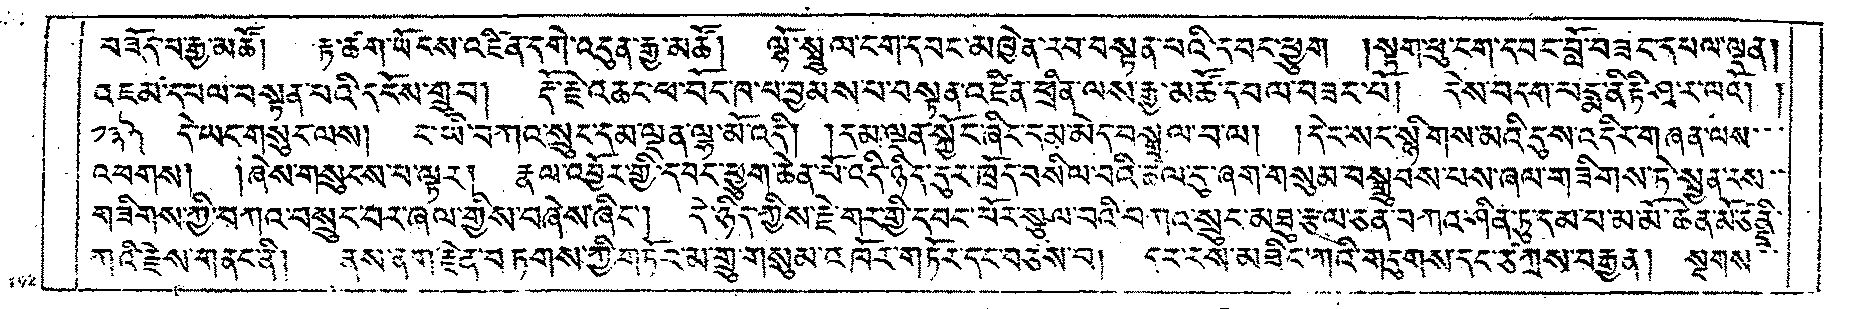བཟོད་པ་རྒྱ་མཚོ། རྟ་ཚག་ཡོངས་འཛིན་དགེ་འདུན་རྒྱ་མཚོ། ལྷོ་སྤྲུལ་ངག་དབང་མཁྱེན་རབ་བསྟན་པའི་དབང་ཕྱུག །སྟག་ཕུ་ངག་དབང་བློ་བཟང་དཔལ་ལྡན།
འཇམ་དཔལ་བསྟན་པའི་དངོས་གྲུབ། རྡོ་རྗེ་འཆང་ཕ་བོང་ཁ་པ་བྱམས་པ་བསྟན་འཛིན་ཕྲིན་ལས་རྒྱ་མཚོ་དཔལ་བཟང་པོ། དེས་བདག་པདམ་ནི་རྟི་ཤྭ་ར་ལའོ། །
༡༣}་དེ་ཡང་གསུང་ལས། ང་ཡི་བཀའ་སྲུང་དམ་ལྡན་ལྷ་མོ་འདི། །དམ་ལྡན་སྐྱོང་ཞིང་དམ་མེད་བསྒྲལ་བ་ལ། །དེང་སང་སྙིགས་མའི་དུས་འདིར་གཞན་ལས་
འཕགས། །ཞེས་གསུངས་པ་ལྟར། རྣལ་འབྱོར་གྱི་དབང་ཕྱུག་ཆེན་པོ་འདི་ཉིད་དུར་ཁྲོད་བསིལ་བའི་ཚལ་དུ་ཞག་གསུམ་བསྒྲུབས་པས་ཞལ་གཟིགས་ཏེ་སྤྱན་རས་
གཟིགས་ཀྱི་བཀའ་བསྲུང་བར་ཞལ་གྱིས་བཞེས་ཞིང་། དེ་ཉིད་ཀྱིས་རྗེ་གར་གྱི་དབང་པོར་སྩལ་བའི་བཀའ་སྲུང་མཐུ་རྩལ་ཅན་བཀའ་ཤིན་ཏུ་དམ་པ་མ་མོ་ཆེན་མོ་ཙནྡྲི་
ཀའི་རྗེས་གནང་ནི། ནས་ནག་རྗེན་བཏགས་ཀྱི་གཏོར་མ་གྲུ་གསུམ་འཁོར་གཏོར་དང་བཅས་པ། དར་རས་མཐིང་ཀའི་གདུགས་དང་ཙ་ཀྲས་བརྒྱན། སྔགས་